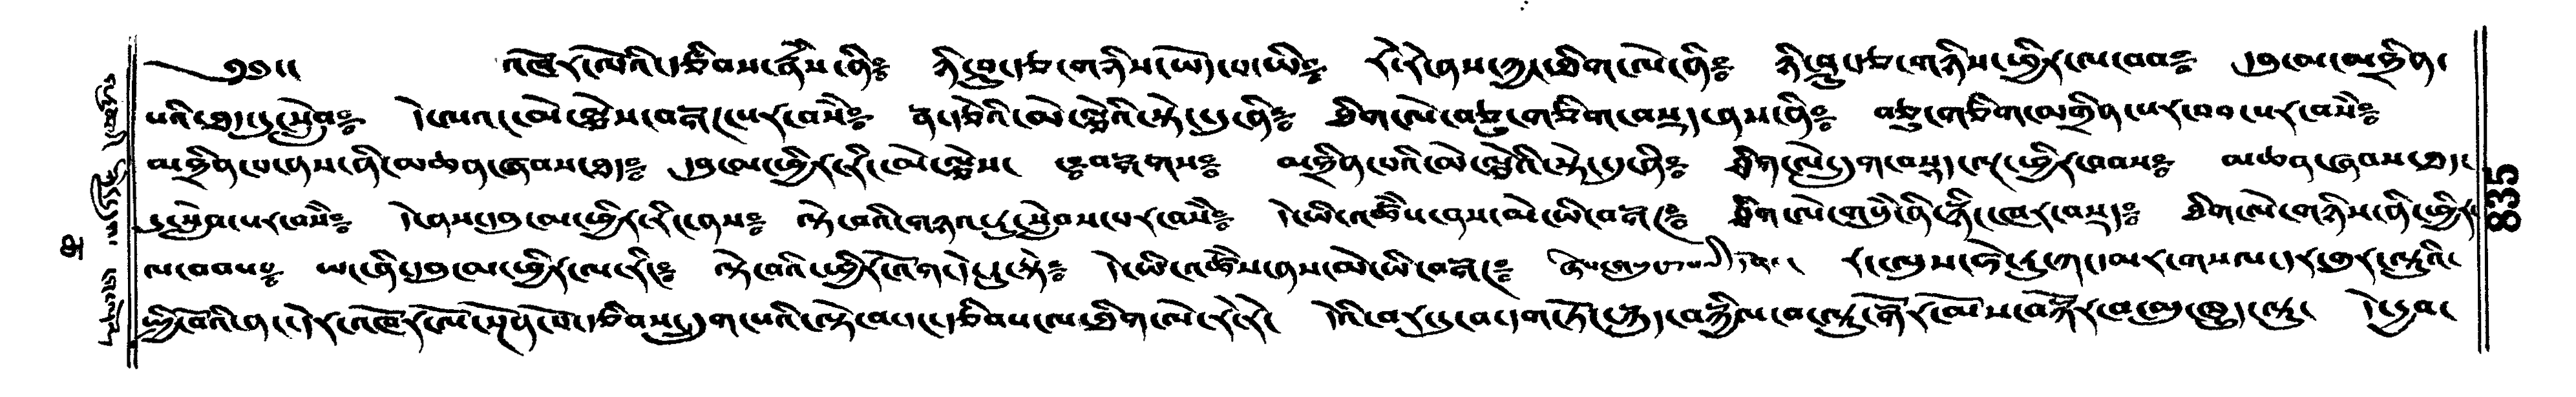འཁོར་ལོའི་རྩིབས་རྣམས་ནི༔ ཉི་ཤུ་རྩ་གཉིས་ཡོད་པ་ཡི༔ རེ་རེ་ནས་ཀྱང་ཐིག་ལེ་ནི༔ ཉི་ཤུ་རྩ་གཉིས་ཕྱིར་ལ་བབ༔ དབུ་མ་མགྲིན་
པའི་ཐད་དུ་སླེབ༔ དེ་ལའང་མེ་ལྕེས་བསྒགས་པར་བསམ༔ སྣ་རྩེའི་མེ་ལྕེའི་སྟེང་དུ་ནི༔ ཐིག་ལེ་བཅུ་གཅིག་བསྡད་ནས་ནི༔ བཅུ་གཅིག་མགྲིན་པར་བབས་པར་བསམ༔ 
མགྲིན་པ་ནས་ནི་མཆན་ཞབས་ཐད༔ དབུ་མ་ཕྱིར་རིང་མེ་ལྕེས་བསྒགས༔ མགྲིན་པའི་མེ་ལྕེའི་སྟེང་དུ་ནི༔ ཐིག་ལེ་དྲུག་བསྡད་ལྔ་ཕྱིར་བབས༔ མཆན་ཞབས་ཐད་
དུ་སླེབ་པར་བསམ༔ དེ་ནས་དབུ་མ་ཕྱིར་རིང་ནས༔ ལྟེ་བའི་གཉའ་རུ་སླེབས་པར་བསམ༔ དེ་ཡི་འཚམས་ནས་མེ་ཡི་བསྒགས༔ ཐིག་ལེ་གསུམ་ནི་སྙིང་ཁར་བསྡད༔ ཐིག་ལེ་གཉིས་ནི་ཕྱིར་
ལ་བབས༔ ཡང་ནི་དབུ་མ་ཕྱིར་ལ་རིང༔ ལྟེ་བའི་ཕྱིར་འོག་དེ་རུ་སྟེ༔ དེ་ཡི་འཚམས་ནས་མེ་ཡི་བསྒགས༔ ཞེས་གསུངས་པའི་དོན། རང་ལུས་ཧེ་རུ་ཀ་དམར་གསལ་དར་གུར་ལྟ་བུའི་
སྤྱི་བོའི་ནང་དེར་འཁོར་ལོ་སྔོན་པོ་རྩིབས་དྲུག་པའི་ལྟེ་བ་དང་རྩིབས་ལ་ཐིག་ལེ་རེ་རེ།དེའི་བར་དུ་བ་དག་སྟོང་སྐུད་བསྐྱིལ་བ་ལྟ་བུ་སྒོར་མོས་བསྐོར་བ་མུ་ཁྱུད་ལྟ་བུ། དེ་རྒྱབ་